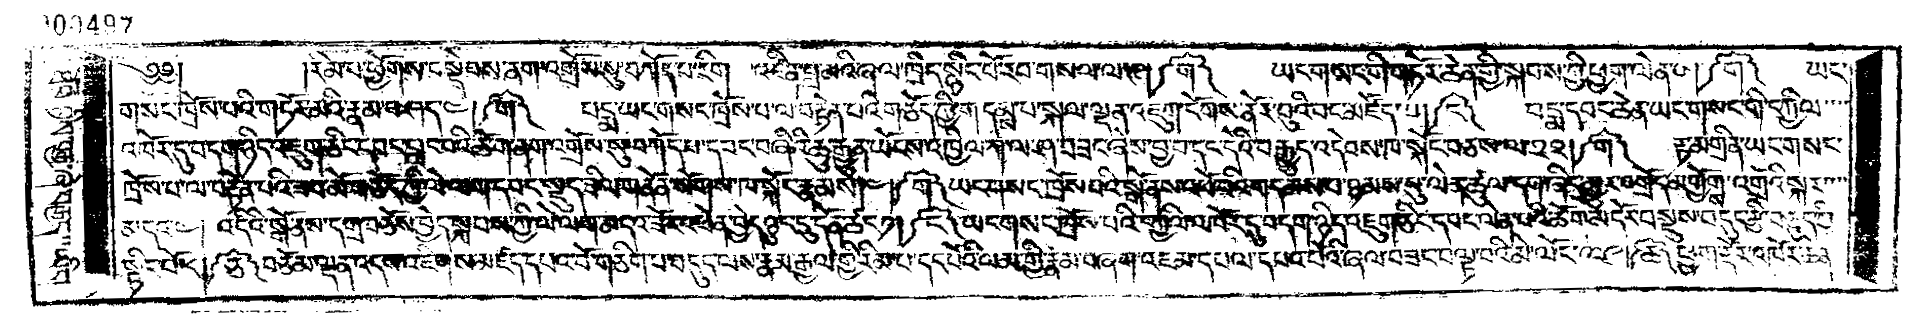༄༅། །རིམ་པ་ཕྱོགས་བསྡེབས་ནག་འགྲོས་སུ་བཀོད་པ་རིག་འཛིན་བླ་མའི་ཞལ་ཁྲིད་སྙིང་པོ་རབ་གསལ་ལ ༩། ༼ག༽ ཡང་གསང་གི་གཏོར་ཆེན་གྱི་སྐབས་ཀྱི་ཕྱག་ལེན༦། ༼ག༽ ཡང་
གསང་ཁྲོས་པའི་གཏོར་མའི་རྣམ་བཤད༤། ༼ག༽ པདམ་ཡང་གསང་ཁྲོས་པ་ལ་བརྟེན་པའི་གཅོད་ཀྱི་གདམས་པ་སྐལ་ལྡན་འཇུག་ངོགས་ནོར་བུའི་བང་མཛོད ༥། ༼ང༽ པདམ་དབང་ཆེན་ཡང་གསང་གི་དཀྱིལ་
འཁོར་དུ་བདག་ཉིད་འཇུག་ཅིང་དབང་བླང་བའི་ཆོ་ག་ནག་འགྲོས་སུ་བཀོད་པ་དབང་བཞིའི་ཆུ་རྒྱུན་ཡོངས་འཁྱིལ་ཀ་ལ་ཤ་བཟང་ཞེས་བྱ་བ་དང་དེའི་བརྒྱུད་འདེབས་ཁ་སྐོང་བཅས་ལ ༢༢། ༼ག༽ རྟ་མགྲིན་ཡང་གསང་
ཁྲོས་པ་ལ་བརྟེན་པའི་ཟབ་མོ་གཅོད་ཀྱི་ལེ་ལག་དབང་སྡུད་ཟིལ་གནོན་སོགས་ཁ་སྐོང་རྣམས།༤། ༼ག༽ ཡང་གསང་ཁྲོས་པའི་སྒོ་ནས་འཕོ་བའི་གདམས་པ་ཉམས་སུ་ལེན་ཚུལ་དག་ཞིང་མྱུར་བགྲོད་མགྱོགས་འགྲོའི་སྐར་
མདའ ༤། འདིའི་སྒོ་ནས་དགྲ་བཅོས་བྱེད་སྐབས་ཀྱི་ལེ་ལག་མདའ་ཟོར་འཕེན་བྱེད་ཉུང་དུ་དོན་ཚན ༡། ༼ང༽ ཡང་གསང་ཁྲོས་པའི་དཀྱིལ་འཁོར་དུ་བདག་ཉིད་འཇུག་ཅིང་དབང་ལེན་པའི་ཆོ་ག་མདོར་བསྡུས་བདུད་རྩི་བཅུད་ཀྱི་
སྙིང་པོ ༨། ༼ཅ༽ བཅོམ་ལྡན་འདས་འཇིགས་མཛད་དཔའ་བོ་གཅིག་པ་བདུད་ལས་རྣམ་རྒྱལ་གྱི་རིམ་པ་དང་པོའི་ལམ་གྱི་རྣམ་བཞག་འཇམ་དཔལ་དཔའ་པོའི་ཞལ་བཟང་བལྟ་བའི་མེ་ལོང ༣༩། ༼ཆ༽ ཕྱག་རྡོར་འཁོར་ཆེན་